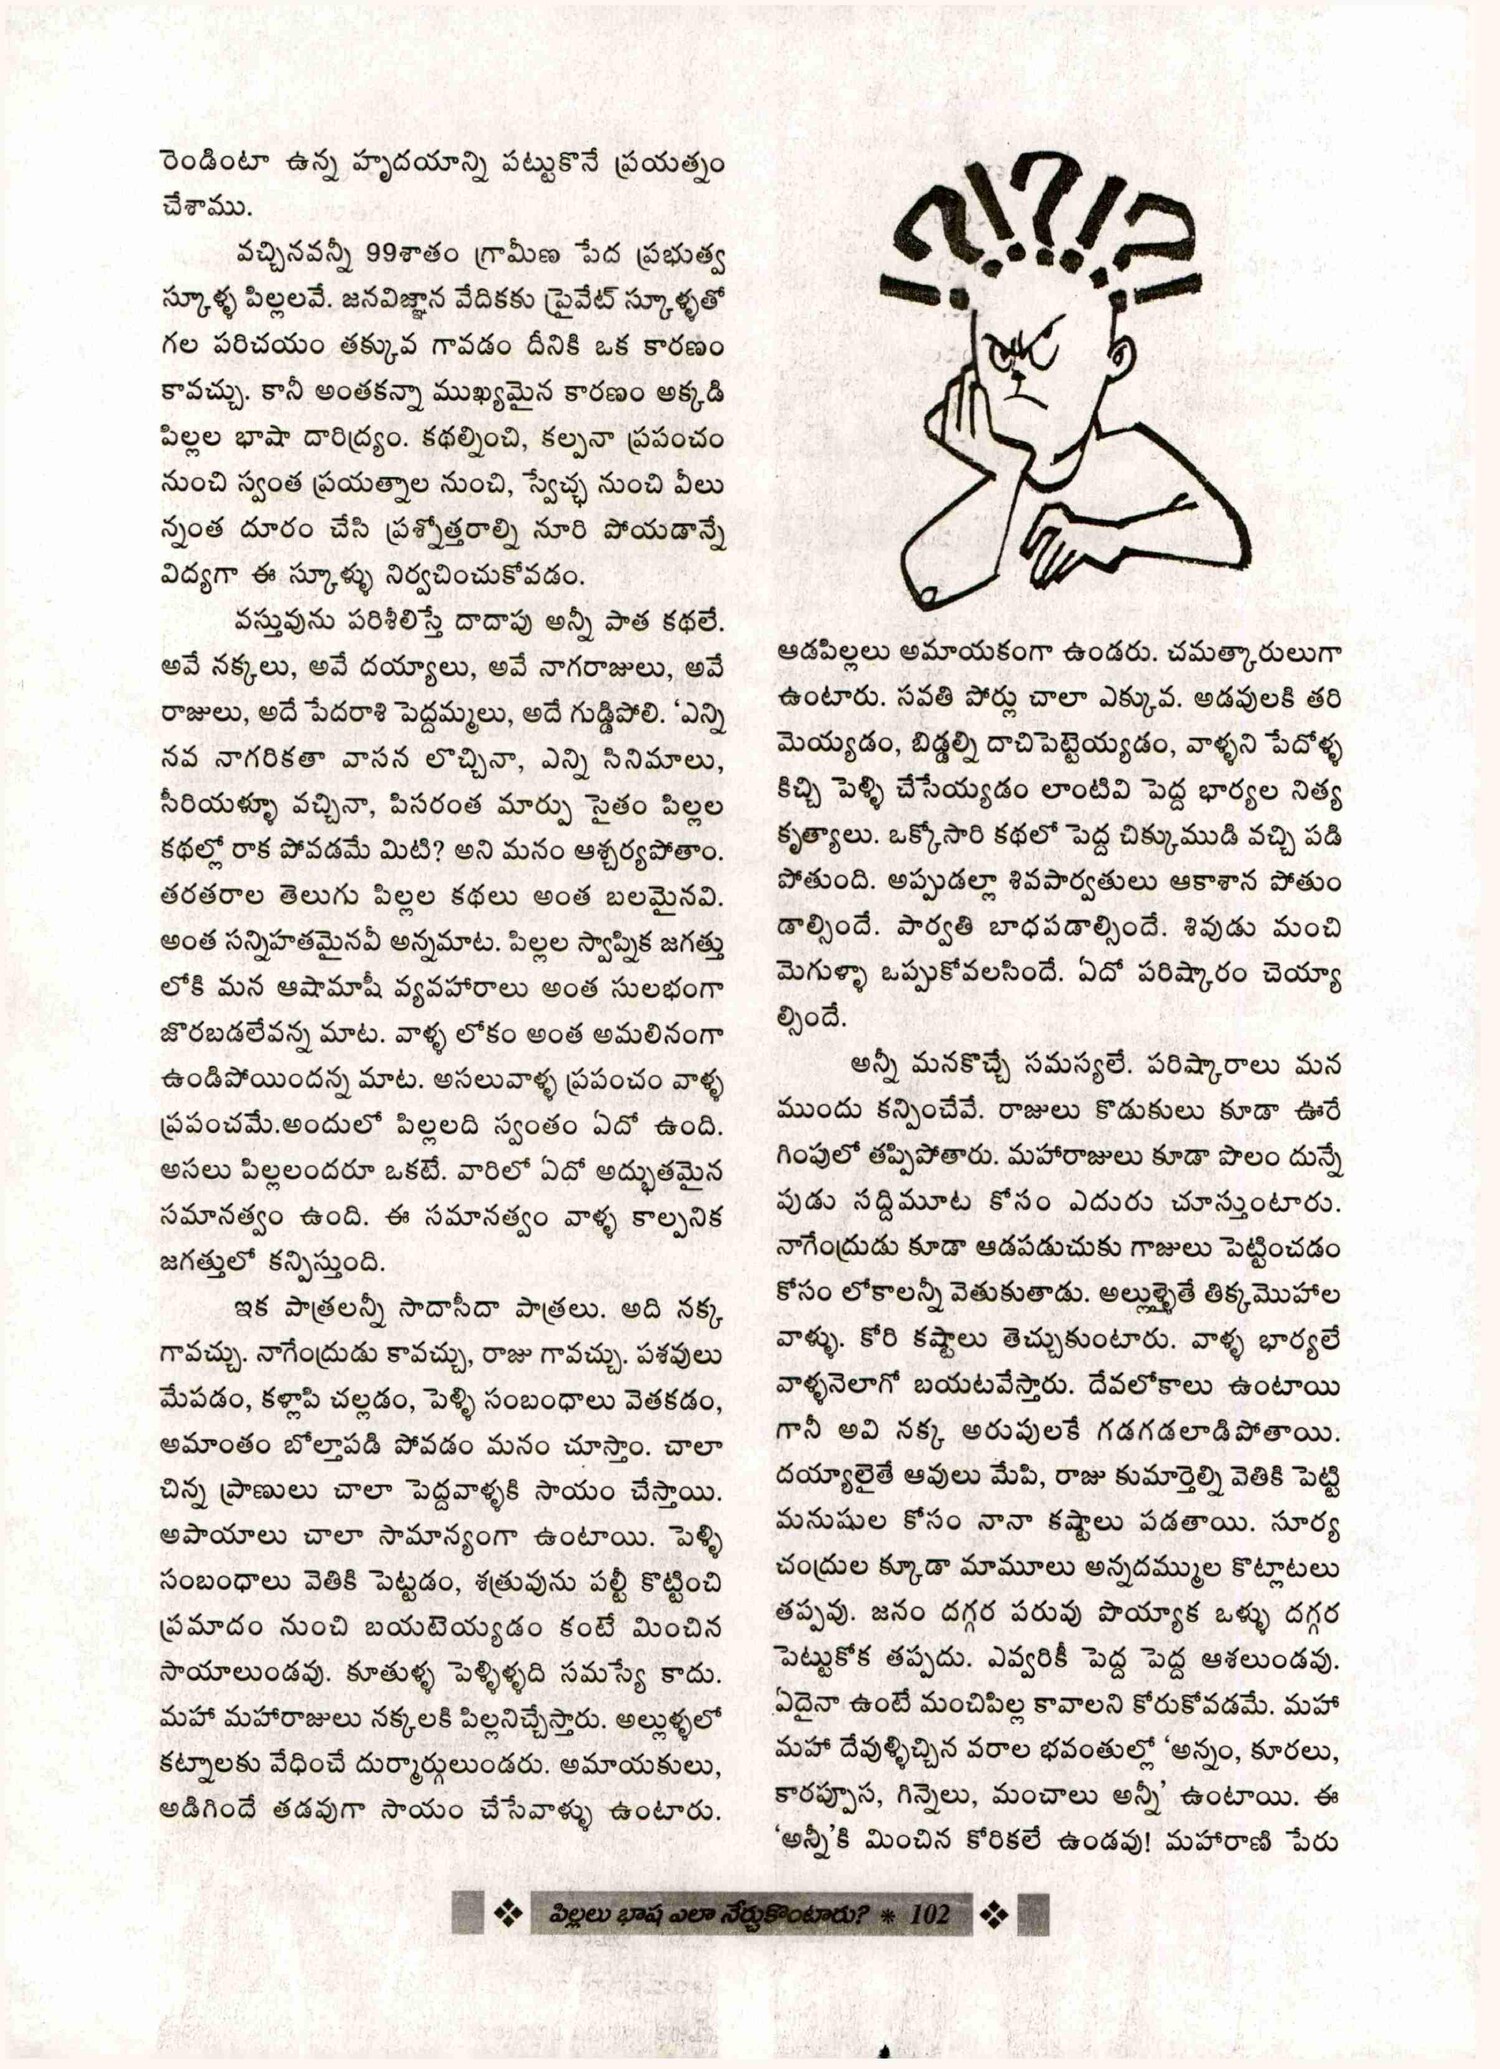రెండింటా ఉన్న హృదయాన్ని పట్టుకొనే ప్రయత్నం చేశాము.

వచ్చినవన్నీ 99శాతం గ్రామీణ పేద ప్రభుత్వ స్కూళ్ళ పిల్లలవే. జనవిజ్ఞాన వేదికకు ప్రైవేట్ స్కూళ్ళతో గల పరిచయం తక్కువ గావడం దీనికి ఒక కారణం కావచ్చు. కానీ అంతకన్నా ముఖ్యమైన కారణం అక్కడి పిల్లల భాషా దారిద్ర్యం. కథల్నించి, కల్పనా ప్రపంచం నుంచి స్వంత ప్రయత్నాల నుంచి, స్వేచ్ఛ నుంచి వీలున్నంత దూరం చేసి ప్రశ్నోత్తరాల్ని నూరి పోయడాన్నే విద్యగా ఈ స్కూళ్ళు నిర్వచించుకోవడం.

వస్తువును పరిశీలిస్తే దాదాపు అన్నీ పాత కథలే. అవే నక్కలు, అవే దయ్యాలు, అవే నాగరాజులు, అవే రాజులు, అదే పేదరాశి పెద్దమ్మలు, అదే గుడ్డిపోలి. 'ఎన్ని నవ నాగరికతా వాసన లొచ్చినా, ఎన్ని సినిమాలు, సీరియళ్ళూ వచ్చినా, పిసరంత మార్పు సైతం పిల్లల కథల్లో రాక పోవడమే మిటి? అని మనం ఆశ్చర్యపోతాం. తరతరాల తెలుగు పిల్లల కథలు అంత బలమైనవి. అంత సన్నిహతమైనవీ అన్నమాట. పిల్లల స్వాప్నిక జగత్తులోకి మన ఆషామాషీ వ్యవహారాలు అంత సులభంగా జొరబడలేవన్న మాట. వాళ్ళ లోకం అంత అమలినంగా ఉండిపోయిందన్న మాట. అసలువాళ్ళ ప్రపంచం వాళ్ళ ప్రపంచమే.అందులో పిల్లలది స్వంతం ఏదో ఉంది. అసలు పిల్లలందరూ ఒకటే. వారిలో ఏదో అద్భుతమైన సమానత్వం ఉంది. ఈ సమానత్వం వాళ్ళ కాల్పనిక జగత్తులో కన్పిస్తుంది.

ఇక పాత్రలన్నీ సాదాసీదా పాత్రలు. అది నక్క గావచ్చు. నాగేంద్రుడు కావచ్చు, రాజు గావచ్చు. పశవులు మేపడం, కళ్లాపి చల్లడం, పెళ్ళి సంబంధాలు వెతకడం, అమాంతం బోల్తాపడి పోవడం మనం చూస్తాం. చాలా చిన్న ప్రాణులు చాలా పెద్దవాళ్ళకి సాయం చేస్తాయి. అపాయాలు చాలా సామాన్యంగా ఉంటాయి. పెళ్ళి సంబంధాలు వెతికి పెట్టడం, శత్రువును పల్టీ కొట్టించి ప్రమాదం నుంచి బయటెయ్యడం కంటే మించిన సాయాలుండవు. కూతుళ్ళ పెళ్ళిళ్ళది సమస్యే కాదు. మహా మహారాజులు నక్కలకి పిల్లనిచ్చేస్తారు. అల్లుళ్ళలో కట్నాలకు వేధించే దుర్మార్గులుండరు. అమాయకులు, అడిగిందే తడవుగా సాయం చేసేవాళ్ళు ఉంటారు.

ఆడపిల్లలు అమాయకంగా ఉండరు. చమత్కారులుగా ఉంటారు. సవతి పోర్లు చాలా ఎక్కువ. అడవులకి తరిమెయ్యడం, బిడ్డల్ని దాచిపెట్టెయ్యడం, వాళ్ళని పేదోళ్ళ కిచ్చి పెళ్ళి చేసేయ్యడం లాంటివి పెద్ద భార్యల నిత్య కృత్యాలు. ఒక్కోసారి కథలో పెద్ద చిక్కుముడి వచ్చి పడిపోతుంది. అప్పుడల్లా శివపార్వతులు ఆకాశాన పోతుండాల్సిందే. పార్వతి బాధపడాల్సిందే. శివుడు మంచి మొగుళ్ళా ఒప్పుకోవలసిందే. ఏదో పరిష్కారం చెయ్యాల్సిందే.

అన్నీ మనకొచ్చే సమస్యలే. పరిష్కారాలు మన ముందు కన్పించేవే. రాజులు కొడుకులు కూడా ఊరేగింపులో తప్పిపోతారు. మహారాజులు కూడా పొలం దున్నేపుడు సద్దిమూట కోసం ఎదురు చూస్తుంటారు. నాగేంద్రుడు కూడా ఆడపడుచుకు గాజులు పెట్టించడం కోసం లోకాలన్నీ వెతుకుతాడు. అల్లుళ్ళైతే తిక్కమొహాల వాళ్ళు. కోరి కష్టాలు తెచ్చుకుంటారు. వాళ్ళ భార్యలే వాళ్ళనెలాగో బయటవేస్తారు. దేవలోకాలు ఉంటాయి గానీ అవి నక్క అరుపులకే గడగడలాడిపోతాయి. దయ్యాలైతే ఆవులు మేపి, రాజు కుమార్తెల్ని వెతికి పెట్టి మనుషుల కోసం నానా కష్టాలు పడతాయి. సూర్య చంద్రుల క్కూడా మామూలు అన్నదమ్ముల కొట్లాటలు తప్పవు. జనం దగ్గర పరువు పొయ్యాక ఒళ్ళు దగ్గర పెట్టుకోక తప్పదు. ఎవ్వరికీ పెద్ద పెద్ద ఆశలుండవు. ఏదైనా ఉంటే మంచిపిల్ల కావాలని కోరుకోవడమే. మహా మహా దేవుళ్ళిచ్చిన వరాల భవంతుల్లో 'అన్నం, కూరలు, కారప్పూస, గిన్నెలు, మంచాలు అన్నీ' ఉంటాయి. ఈ
'అన్నీ'కి మించిన కోరికలే ఉండవు! మహారాణి పేరు